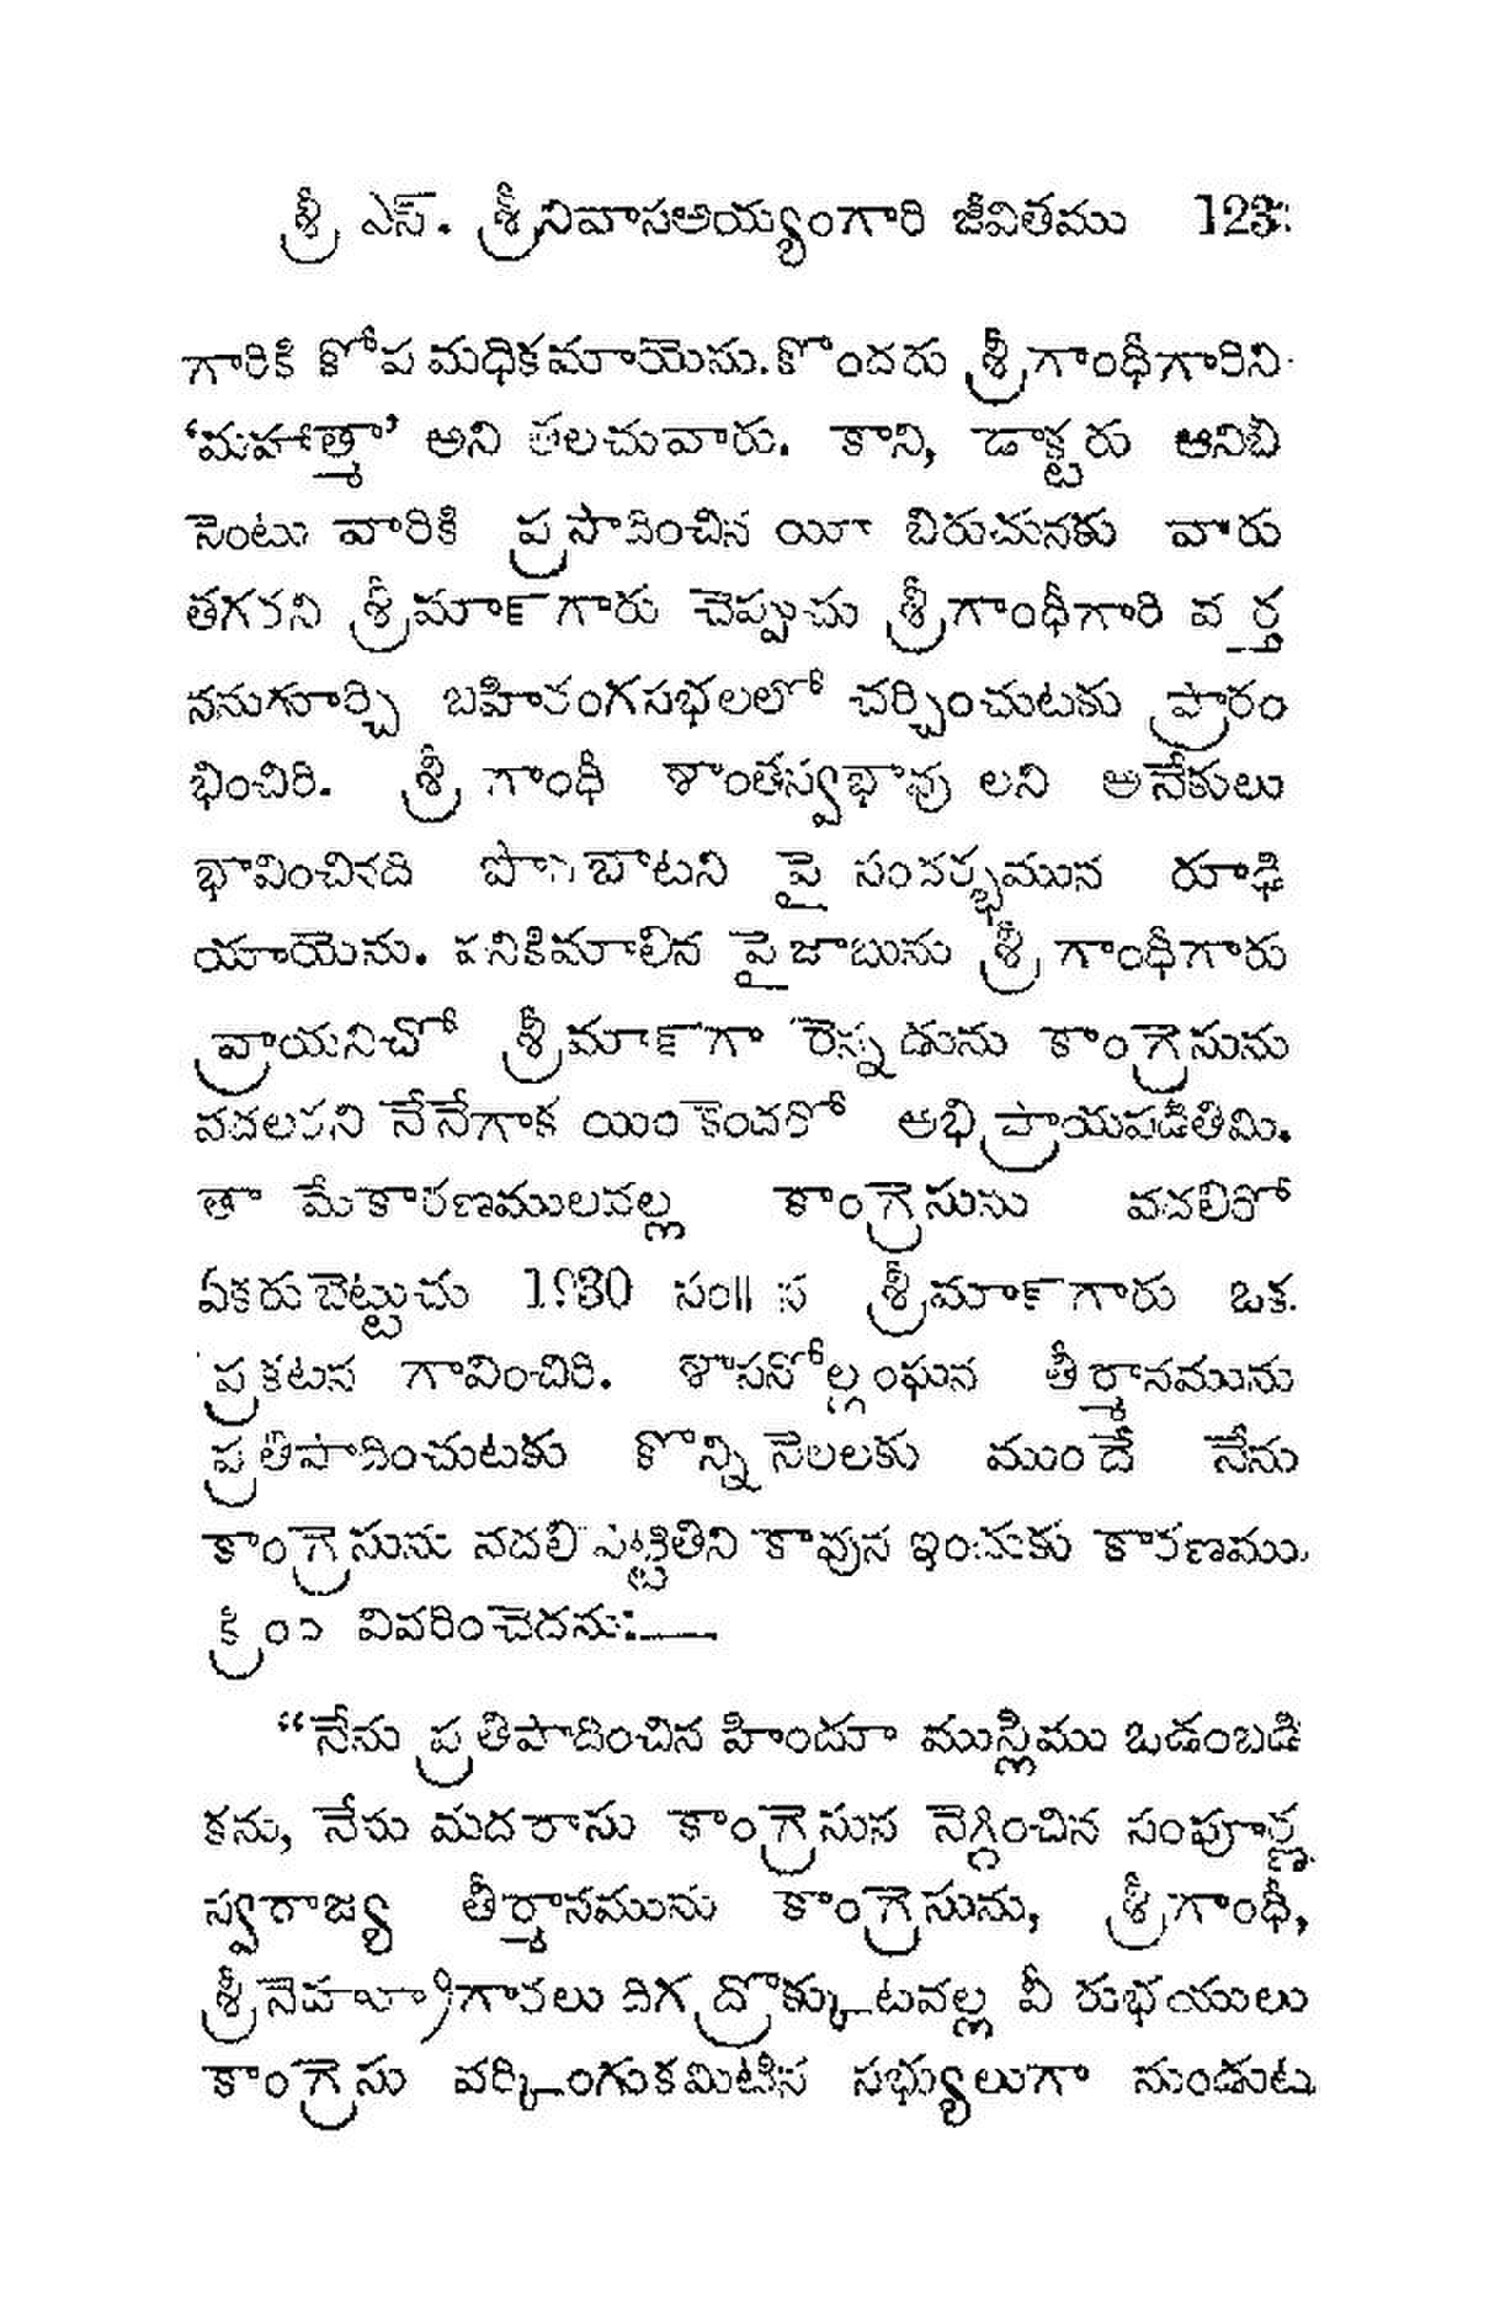గారికి కోపమధికమాయెను. కొందరు శ్రీగాంధీగారిని 'మహాత్మా' అని తలచువారు. కాని, డాక్టరు అనిబిసెంటు వారికి ప్రసాదించిన యీ బిరుదునకు వారు తగరని శ్రీమా౯గారు చెప్పుచు శ్రీగాంధీగారి వర్తననుగూర్చి బహిరంగసభలలో చర్చించుటకు ప్రారంభించిరి. శ్రీగాంధీ శాంతస్వభావు లని అనేకులు భావించినది పొరబాటని పై సందర్భమున రూఢి యాయెను. పనికిమాలిన పైజాబును శ్రీగాంధీగారు వ్రాయనిచో శ్రీమా౯గా రెన్నడును కాంగ్రెసును వదలరని నేనేగాక యింకెందరో అభిప్రాయపడితిమి. తా మేకారణములవల్ల కాంగ్రెసును వదలిరో ఏకరుబెట్టుచు 1930 సం||న శ్రీమా౯గారు ఒక ప్రకటన గావించిరి. శాసనోల్లంఘన తీర్మానమును ప్రతిపాదించుటకు కొన్నినెలలకు ముందే నేను కాంగ్రెసును వదలి పెట్టితిని కావున ఇందుకు కారణము క్రింద వివరించెదను:-

“నేను ప్రతిపాదించిన హిందూ ముస్లిము ఒడంబడికను, నేను మదరాసు కాంగ్రెసుస నెగ్గించిన సంపూర్ణ స్వరాజ్య తీర్మానమును కాంగ్రెసును, శ్రీగాంధీ, శ్రీనెహ్రూగారలు దిగద్రొక్కుటవల్ల వీరుభయులు కాంగ్రెసు వర్కింగుకమిటీ సభ్యులుగా నుండుట